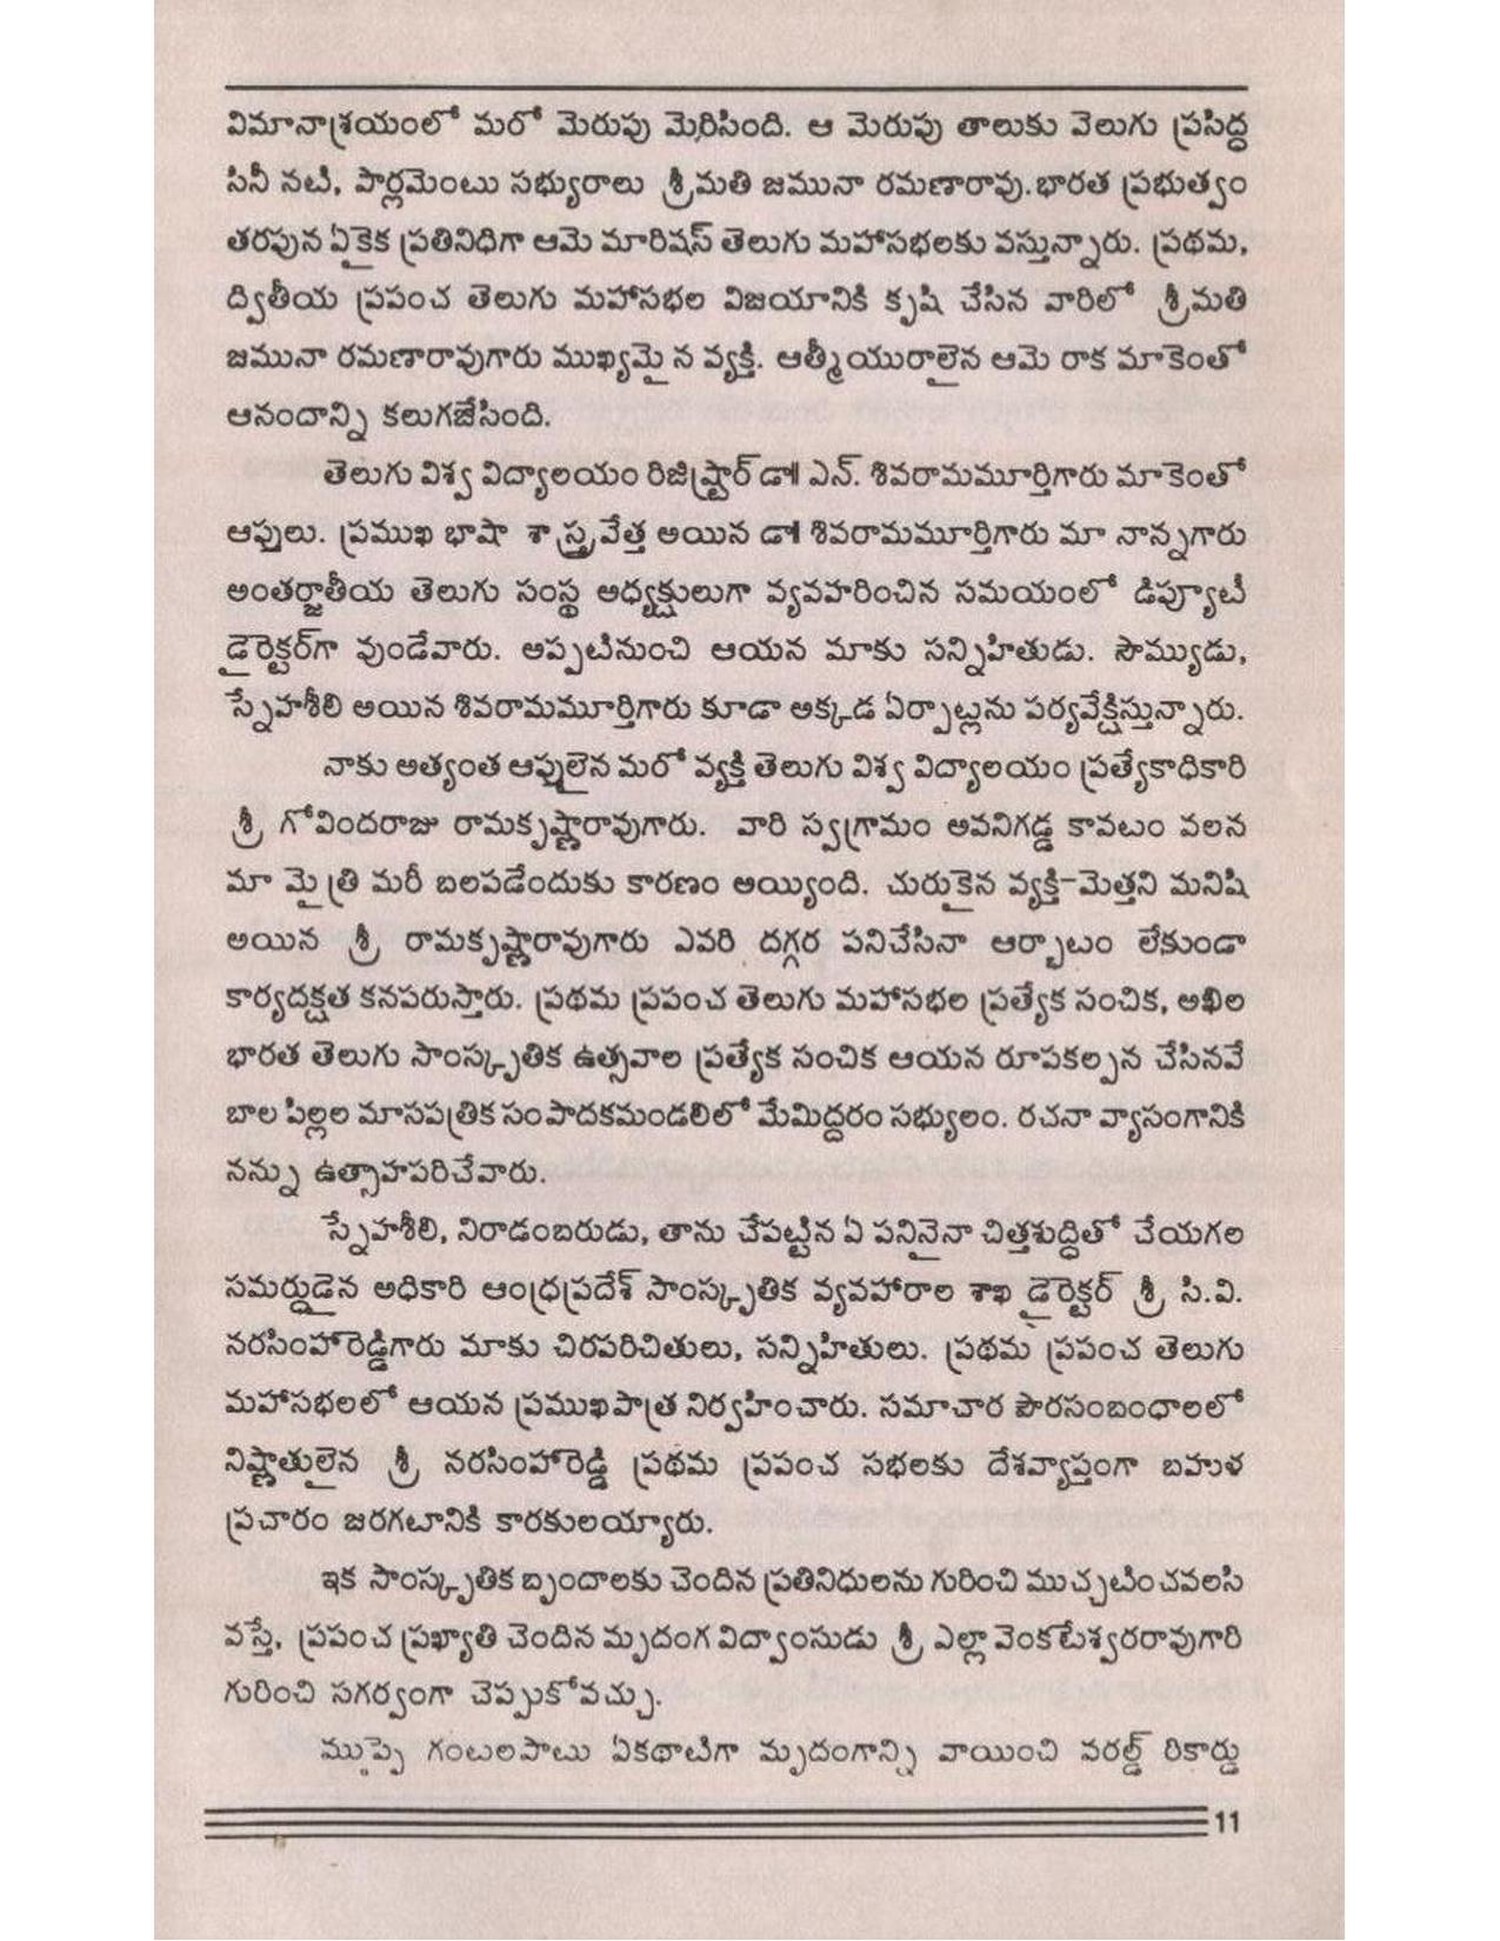విమానాశ్రయంలో మరో మెరుపు మెరిసింది. ఆ మెరుపు తాలుకు వెలుగు ప్రసిద్ద సినీ నటి, పార్లమెంటు సభ్యురాలు శ్రీమతి జమునా రమణారావు, భారత ప్రభుత్వం తరపున ఏకైక ప్రతినిధిగా ఆమె మారిషస్ తెలుగు మహాసభలకు వస్తున్నారు. ప్రథమ, ద్వితీయ ప్రపంచ తెలుగు మహాసభల విజయానికి కృషి చేసిన వారిలో శ్రీమతి జమునా రమణారావుగారు ముఖ్యమైన వ్యక్తి ఆత్మీయురాలైన ఆమె రాక మాకెంతో" ఆనందాన్ని కలుగజేసింది.

తెలుగు విశ్వవిద్యాలయం రిజిష్ట్రార్ డా॥ ఎన్.శివరామమూర్తిగారు మాకెంతో ఆప్తులు. ప్రముఖ భాషా శాస్త్రవేత్త అయిన డా॥ శివరామమూర్తిగారు మా నాన్నగారు అంతర్జాతీయ తెలుగు సంస్థ అధ్యక్షులుగా వ్యవహరించిన సమయంలో డిప్యూటీ డైరెక్టర్‌గా వుండేవారు. అప్పటినుంచి ఆయన మాకు సన్నిహితుడు. సౌమ్యుడు, స్నేహశీలి అయిన శివరామమూర్తిగారు కూడా అక్కడ ఏర్పాట్లను పర్యవేక్షిస్తున్నారు. 

నాకు అత్యంత ఆప్తులైన మరో వ్యక్తి తెలుగు విశ్వవిద్యాలయం ప్రత్యేకాధికారి శ్రీ గోవిందరాజు రామకృష్ణారావుగారు. వారి స్వగ్రామం అవనిగడ్డ కావటం వలన మా మైత్రి మరీ బలపడేందుకు కారణం అయ్యింది. చురుకైన వ్యక్తి మెత్తని మనిషి అయిన శ్రీ రామకృష్ణారావుగారు ఎవరి దగ్గర పనిచేసినా ఆర్భాటం లేకుండా కార్యదక్షత కనపరుస్తారు. ప్రథమ ప్రపంచ తెలుగు మహాసభల ప్రత్యేక సంచిక, అఖిల భారత తెలుగు సాంస్కృతిక ఉత్సవాల ప్రత్యేక సంచిక ఆయన రూపకల్పన చేసినవే. బాల పిల్లల మాసపత్రిక సంపాదకమండలిలో మేమిద్దరం సభ్యులం. రచనా వ్యాసంగానికి నన్ను ఉత్సాహపరిచేవారు.

స్నేహశీలి, నిరాడంబరుడు, తాను చేపట్టిన ఏ పనినైనా చిత్తశుద్ధితో చేయగల సమర్ధుడైన అధికారి ఆంధ్రప్రదేశ్ సాంస్కృతిక వ్యవహారాల శాఖ డైరెక్టర్ శ్రీ సి.వి. నరసింహారెడ్డిగారు మాకు చిరపరిచితులు, సన్నిహితులు. ప్రథమ ప్రపంచ తెలుగు మహాసభలలో ఆయన ప్రముఖపాత్ర నిర్వహించారు. సమాచార పారసంబందాలలో నిష్ణాతులైన శ్రీ నరసింహారెడ్డి ప్రథమ ప్రపంచ సభలకు దేశవ్యాప్తంగా బహుళ ప్రచారం జరగటానికి కారకులయ్యారు.

ఇక సాంస్కృతిక బృందాలకు చెందిన ప్రతినిధులను గురించి ముచ్చటించవలిసి వస్తే, ప్రపంచ ప్రఖ్యాతి చెందిన మృదంగ విద్వాంసుడు శ్రీ ఎల్లా వెంకటేశ్వరరావుగారి గురించి సగర్వంగా చెప్పకోవచ్చు.

ముప్పై గంటలపాటు ఏకథాటిగా మృదంగాన్ని వాయించి వరల్డ్ రికార్డు